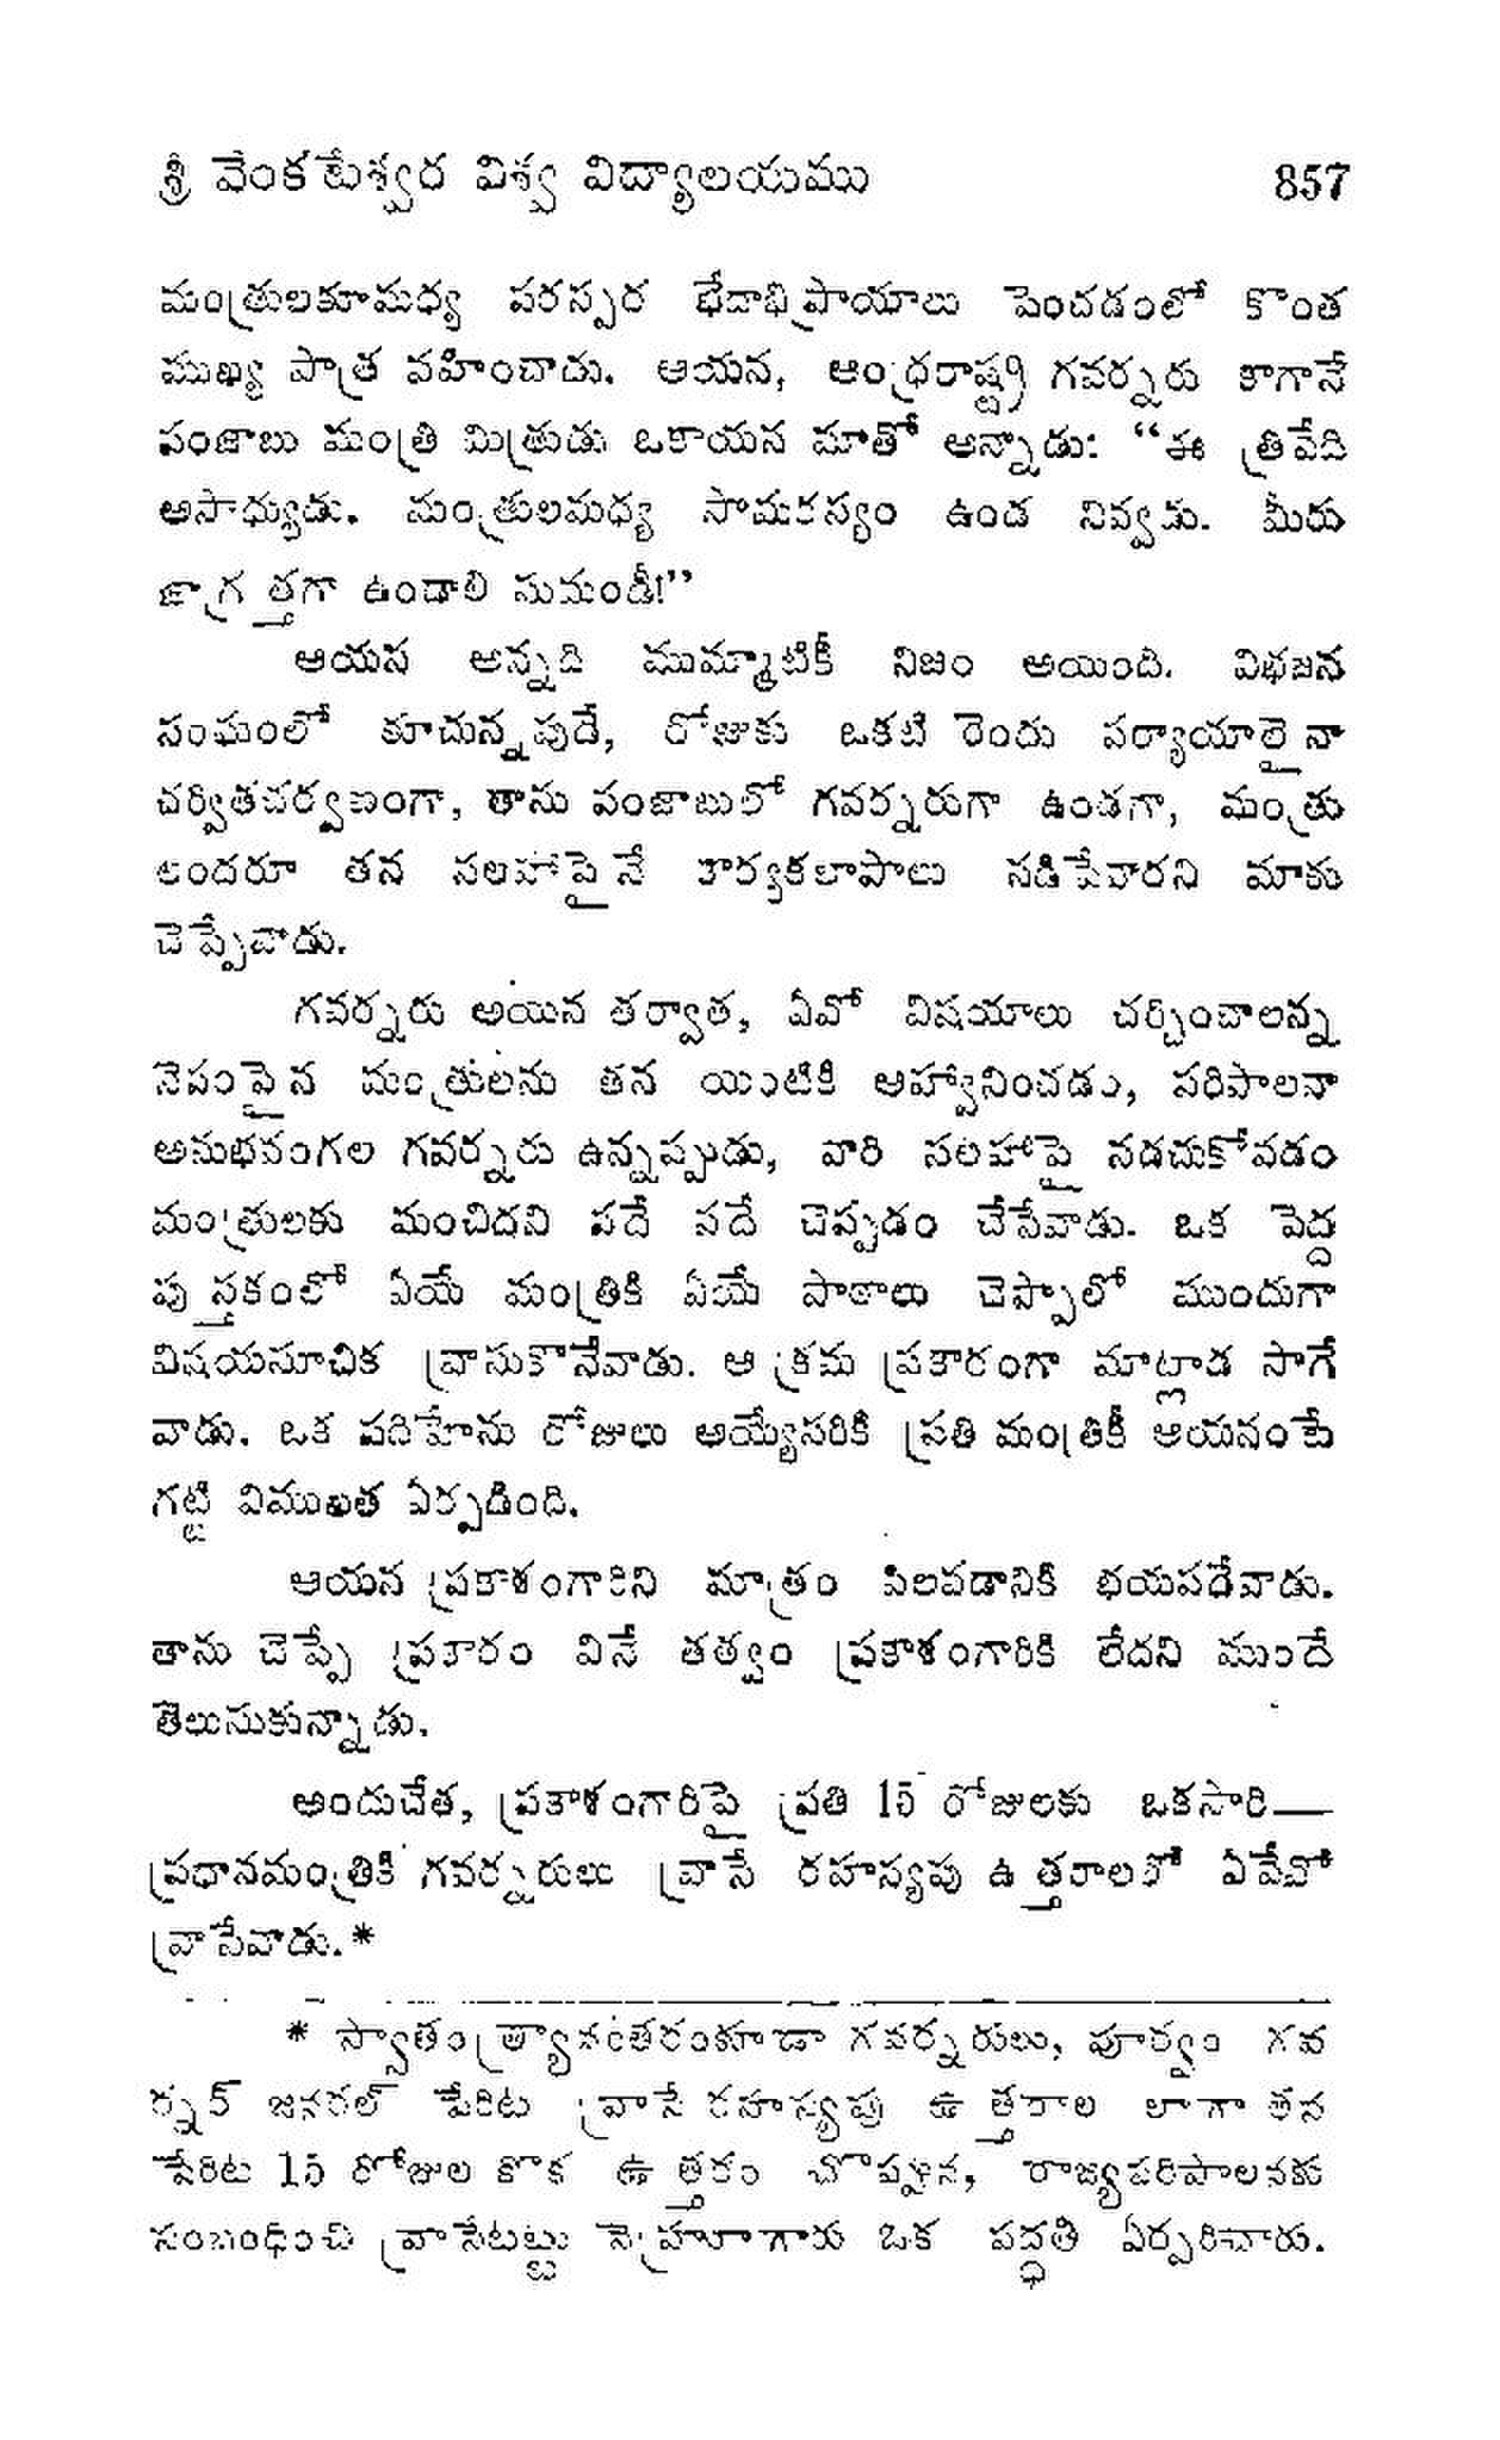మంత్రులకూమధ్య పరస్పర భేదాభిప్రాయాలు పెంచడంలో కొంత ముఖ్య పాత్ర వహించాడు. ఆయన, ఆంధ్రరాష్ట్ర గవర్నరు కాగానే పంజాబు మంత్రి మిత్రుడు ఒకాయన మాతో అన్నాడు: "ఈ త్రివేది అసాధ్యుడు. మంత్రులమధ్య సామరస్యం ఉండ నివ్వడు. మీరు జాగ్రత్తగా ఉండాలి సుమండీ!"

ఆయన అన్నది ముమ్మాటికీ నిజం అయింది. విభజన సంఘంలో కూచున్నపుడే, రోజుకు ఒకటి రెండు పర్యాయాలైనా చర్వితచర్వణంగా, తాను పంజాబులో గవర్నరుగా ఉండగా, మంత్రులందరూ తన సలహాపైనే కార్యకలాపాలు నడిపేవారని మాకు చెప్పేవాడు.

గవర్నరు అయిన తర్వాత, ఏవో విషయాలు చర్చించాలన్న నెపంపైన మంత్రులను తన యింటికి ఆహ్వానించడం, పరిపాలనా అనుభవంగల గవర్నరు ఉన్నప్పుడు, వారి సలహాపై నడచుకోవడం మంత్రులకు మంచిదని పదే పదే చెప్పడం చేసేవాడు. ఒక పెద్ద పుస్తకంలో ఏయే మంత్రికి ఏయే పాఠాలు చెప్పాలో ముందుగా విషయసూచిక వ్రాసుకొనేవాడు. అ క్రమ ప్రకారంగా మాట్లాడ సాగేవాడు. ఒక పదిహేను రోజులు అయ్యేసరికి ప్రతి మంత్రికీ ఆయనంటే గట్టి విముఖత ఏర్పడింది.

ఆయన ప్రకాశంగారిని మాత్రం పిలవడానికి భయపడేవాడు. తాను చెప్పే ప్రకారం వినే తత్వం ప్రకాశంగారికి లేదని ముందే తెలుసుకున్నాడు.

అందుచేత, ప్రకాశంగారిపై ప్రతి 15 రోజులకు ఒకసారి - ప్రధానమంత్రికి గవర్నరులు వ్రాసే రహస్యపు ఉత్తరాలలో ఏవేవో వ్రాసేవాడు.